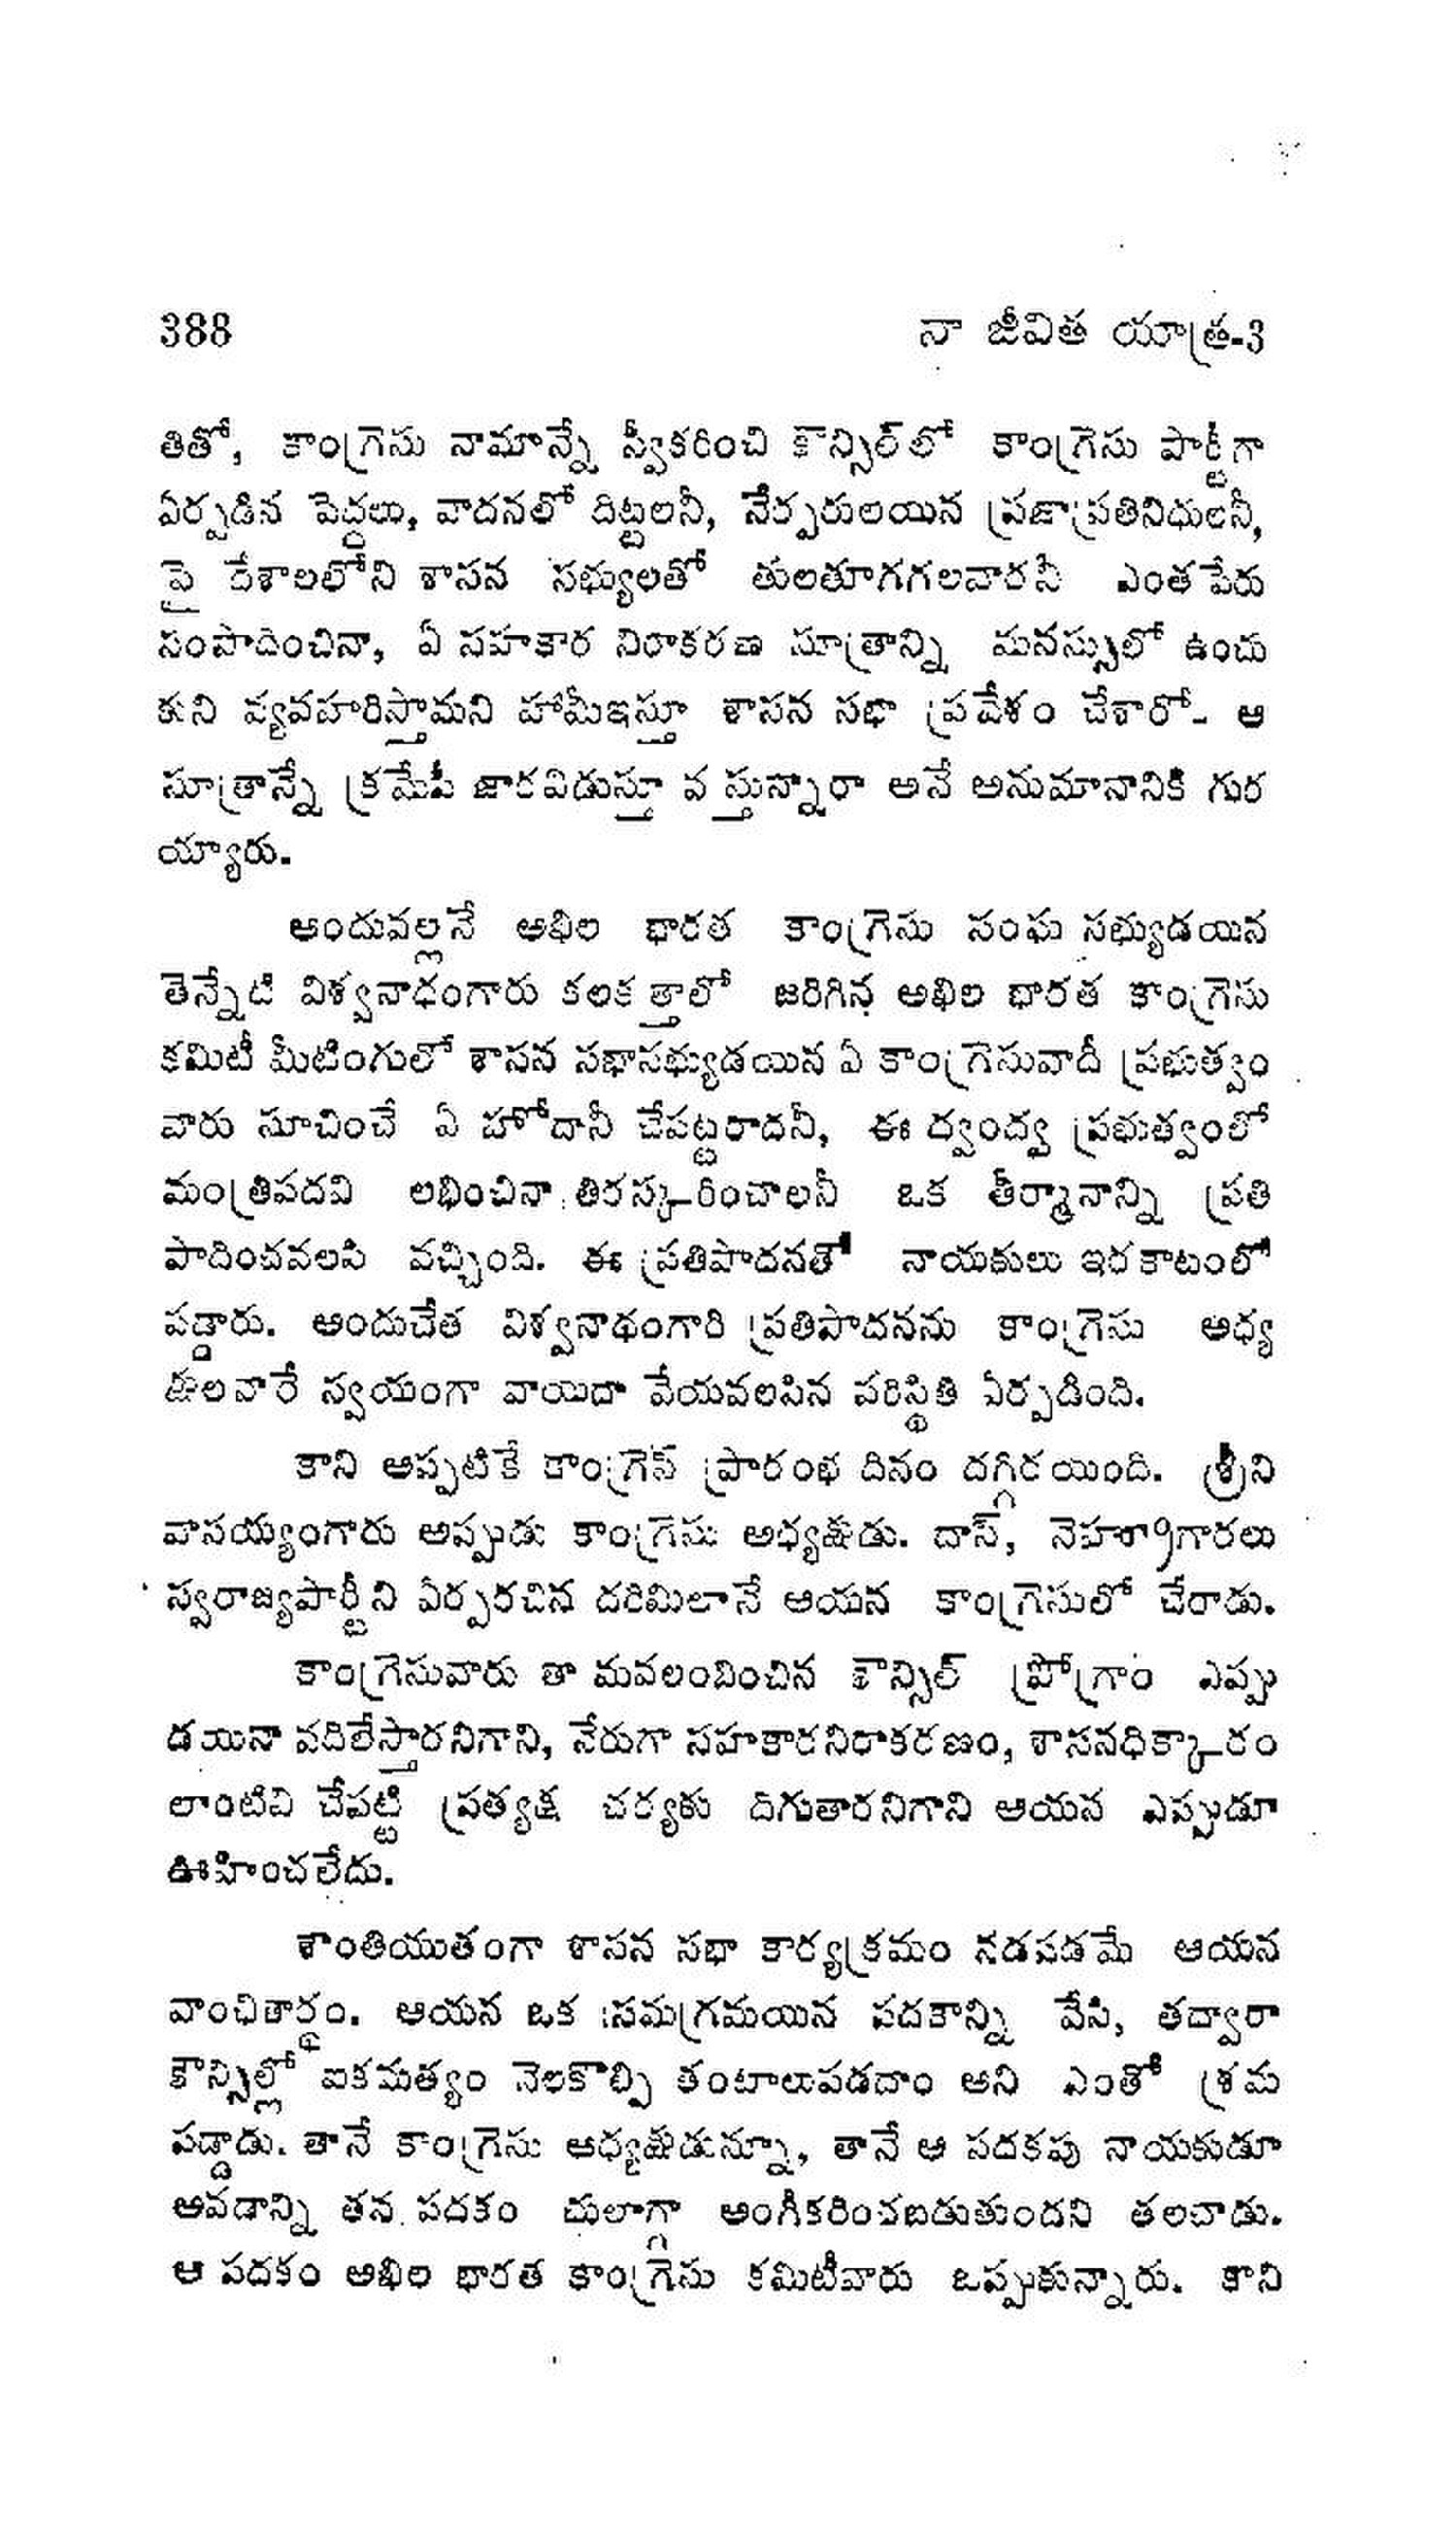తితో, కాంగ్రెసు నామాన్నే స్వీకరించి కౌన్సిల్‌లో కాంగ్రెసు పార్టీగా ఏర్పడిన పెద్దలు, వాదనలో దిట్టలనీ, నేర్పరులయిన ప్రజా ప్రతినిధులనీ, పై దేశాలలోని శాసన సభ్యులతో తులతూగగలవారనీ ఎంతపేరు సంపాదించినా, ఏ సహకార నిరాకరణ సూత్రాన్ని మనస్సులో ఉంచుకుని వ్యవహరిస్తామని హామీఇస్తూ శాసన సభా ప్రవేశం చేశారో - ఆ సూత్రాన్నే క్రమేపీ జారవిడుస్తూ వస్తున్నారా అనే అనుమానానికి గురయ్యారు.

అందువల్లనే అఖిల భారత కాంగ్రెసు సంఘ సభ్యుడయిన తెన్నేటి విశ్వనాధం గారు కలకత్తాలో జరిగిన అఖిల భారత కాంగ్రెసు కమిటీ మీటింగులో శాసన సభాసభ్యుడయిన ఏ కాంగ్రెసువాదీ ప్రభుత్వం వారు సూచించే ఏ హోదానీ చేపట్టరాదనీ, ఈ ద్వంద్వ ప్రభుత్వంలో మంత్రిపదవి లభించినా తిరస్కరిం చాలనీ ఒక తీర్మానాన్ని ప్రతిపాదించవలసి వచ్చింది. ఈ ప్రతిపాదనతో నాయకులు ఇరకాటంలో పడ్డారు. అందుచేత విశ్వనాథంగారి ప్రతిపాదనను కాంగ్రెసు అధ్యక్షులవారే స్వయంగా వాయిదా వేయవలసిన పరిస్థితి ఏర్పడింది.

కాని అప్పటికే కాంగ్రెస్ ప్రారంభ దినం దగ్గిరయింది. శ్రీనివాసయ్యంగారు అప్పుడు కాంగ్రెసు అధ్యక్షుడు. దాస్, నెహ్రూగారలు స్వరాజ్యపార్టీని ఏర్పరచిన దరిమిలానే ఆయన కాంగ్రెసులో చేరాడు.

కాంగ్రెసువారు తా మవలంబించిన కౌన్సిల్ ప్రోగ్రాం ఎప్పుడయినా వదిలే స్తారనిగాని, నేరుగా సహకారనిరాకరణం, శాసనధిక్కారం లాంటివి చేపట్టి ప్రత్యక్ష చర్యకు దిగుతారనిగాని ఆయన ఎప్పుడూ ఊహించలేదు.

శాంతియుతంగా శాసన సభా కార్యక్రమం నడపడమే ఆయన వాంఛితార్థం. ఆయన ఒక సమగ్రమయిన పదకాన్ని వేసి, తద్వారా కౌన్సిల్లో ఐకమత్యం నెలకొల్పి తంటాలుపడదాం అని ఎంతో శ్రమపడ్డాడు. తానే కాంగ్రెసు అధ్యక్షుడున్నూ, తానే ఆ పదకపు నాయకుడూ అవడాన్ని తన పదకం చులాగ్గా అంగీకరించ బడుతుందని తలచాడు. ఆ పదకం అఖిల భారత కాంగ్రెసు కమిటీవారు ఒప్పుకున్నారు. కాని